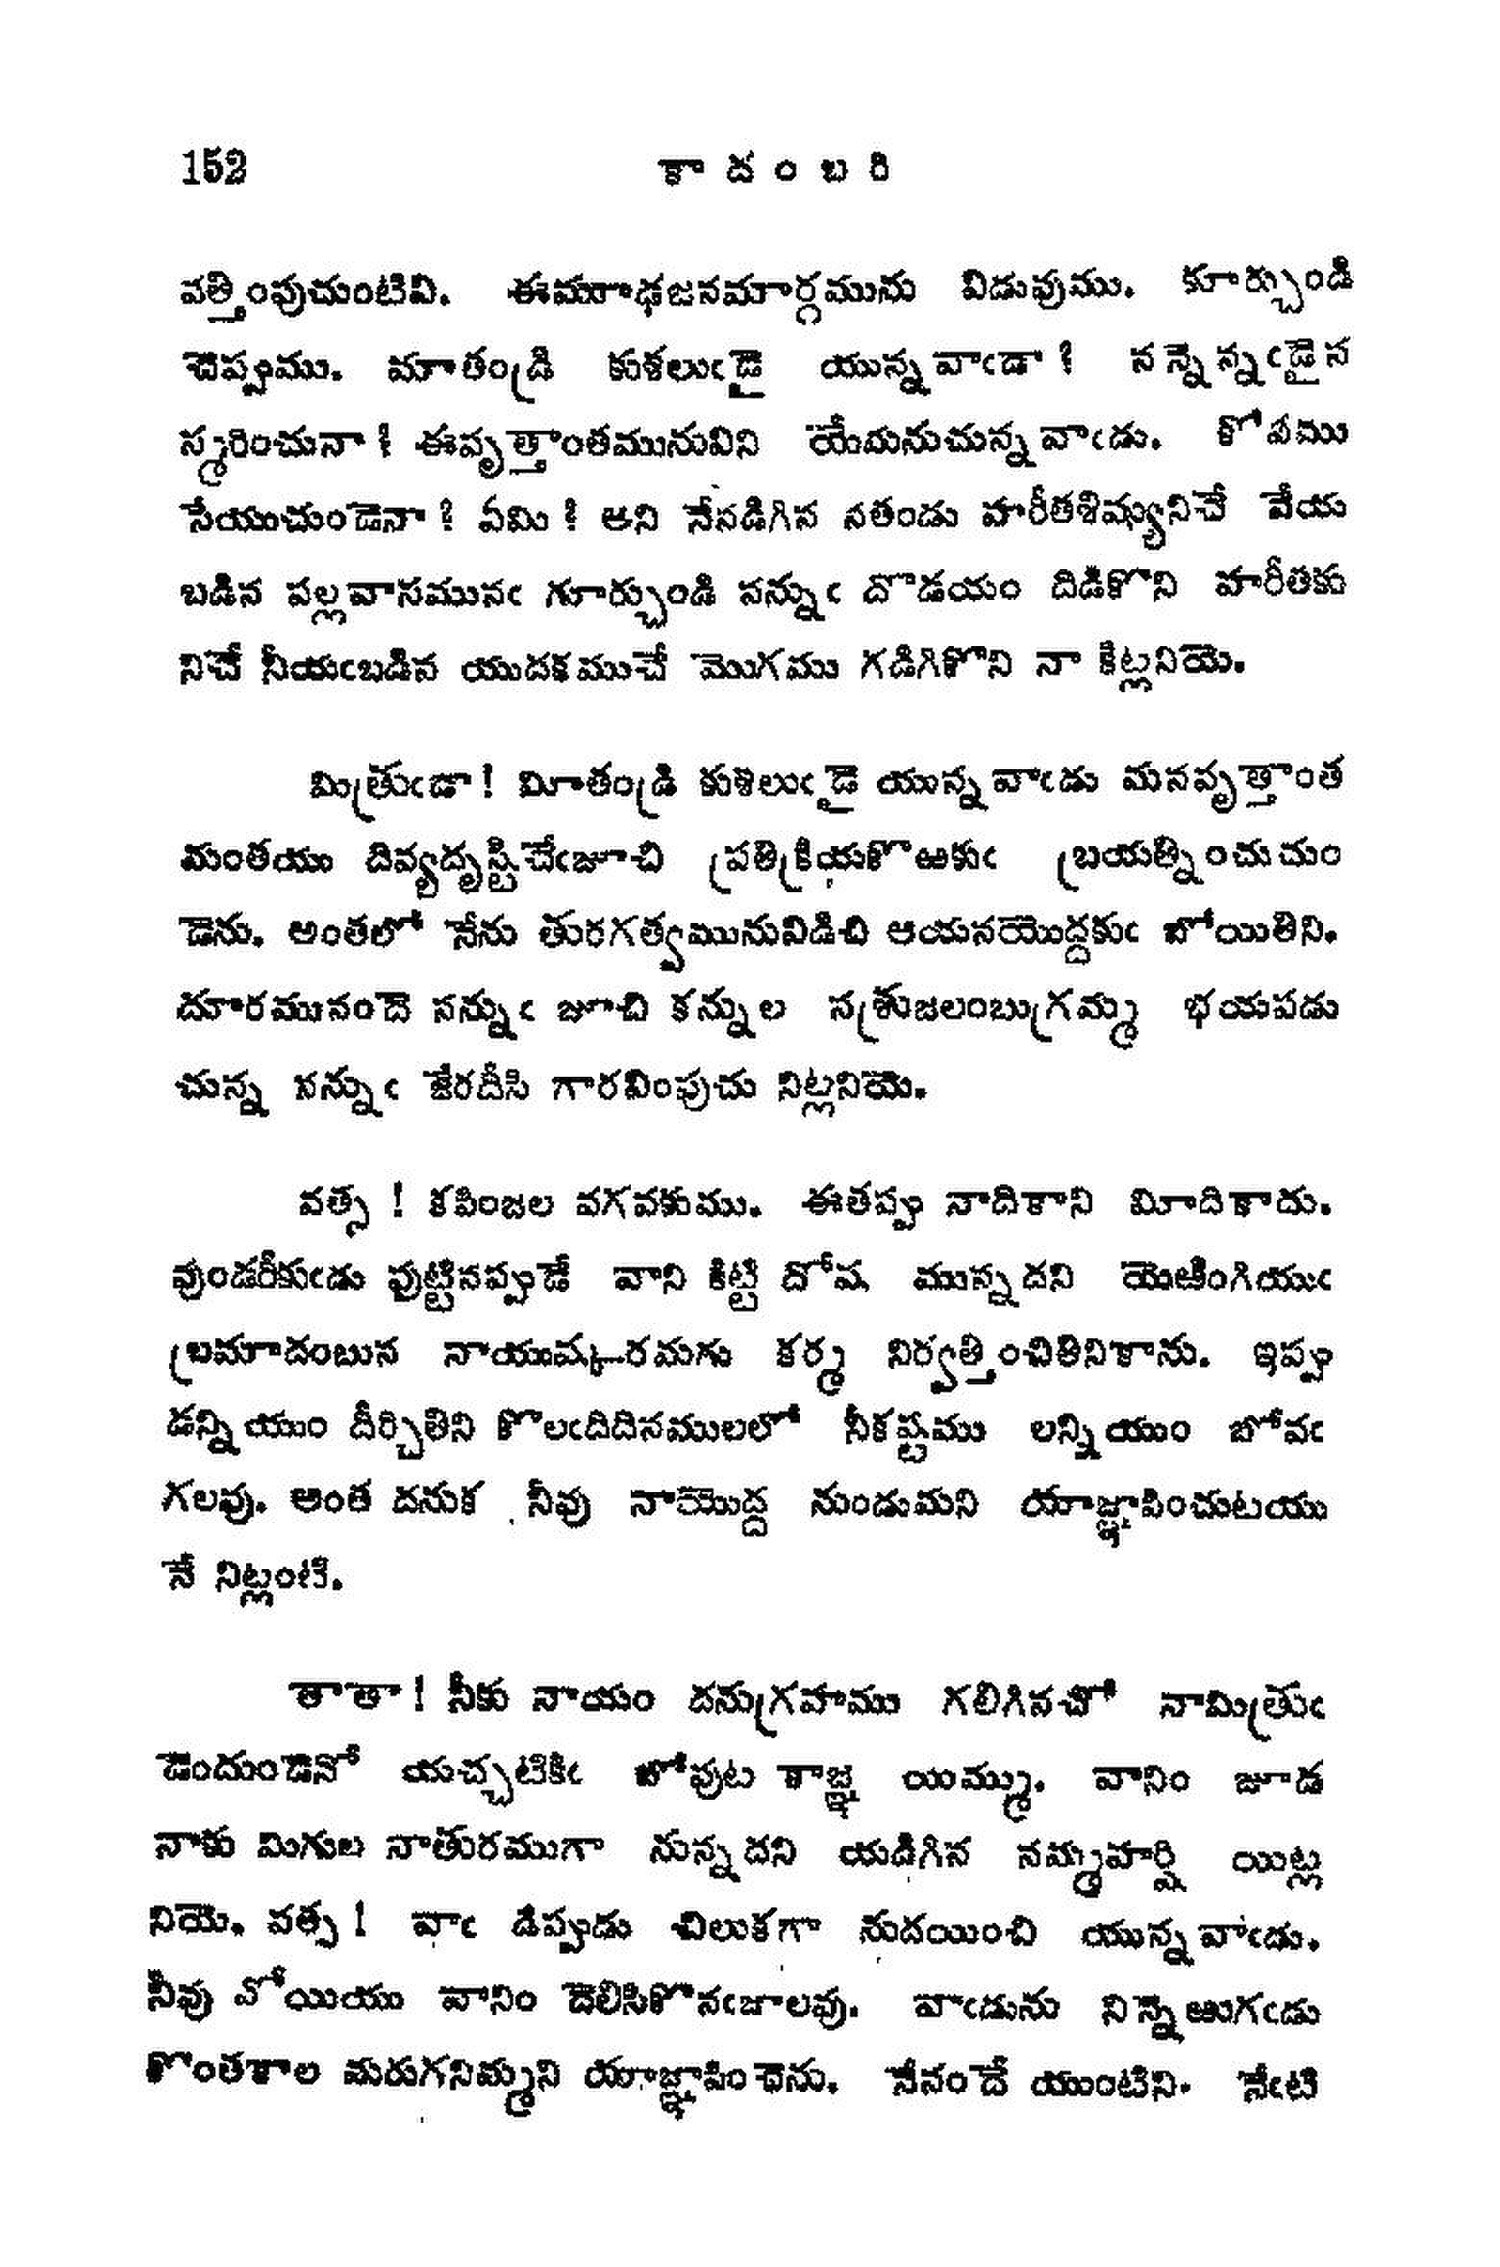వత్తింపుచుంటివి. ఈమూఢజనమార్గమును విడువుము. కూర్చుండి చెప్పుము. మాతండ్రి కుశలుఁడై యున్నవాఁడా? నన్నెన్నఁడైన స్మరించునా? ఈవృత్తాంతమునువిని యేమనుచున్నవాఁడు. కోపము సేయుచుండెనా? ఏమి? అని నేనడిగిన నతండు హరీతశిష్యునిచే వేయబడిన పల్లవాసమునఁ గూర్చుండి నన్నుఁ దొడయం దిడికొని హరీతకునిచే నీయఁబడిన యుదకముచే మొగము గడిగికొని నా కిట్లనియె.

మిత్రుఁడా! మీతండ్రి కుశలుఁడై యున్నవాఁడు మనవృత్తాంత మంతయు దివ్యదృష్టిచేఁజూచి ప్రతిక్రియకొఱకుఁ బ్రయత్నించుచుండెను. అంతలో నేను తురగత్వమునువిడిచి ఆయనయొద్దకుఁ బోయితిని. దూరమునందె నన్నుఁ జూచి కన్నుల నశ్రుజలంబుగ్రమ్మ భయపడుచున్న నన్నుఁ జేరదీసి గారవింపుచు నిట్లనియె.

వత్స! కపింజల వగవకుము. ఈతప్పు నాదికాని మీదికాదు. పుండరీకుఁడు పుట్టినప్పుడే వాని కిట్టి దోష మున్నదని యెఱింగియుఁ బ్రమాదంబున నాయుష్కరమగు కర్మ నిర్వత్తించితినికాను. ఇప్పు డన్నియుం దీర్చితిని కొలఁదిదినములలో నీకష్టము లన్నియుం బోవఁ గలవు. అంత దనుక నీవు నాయొద్ద నుండుమని యాజ్ఞాపించుటయు నే నిట్లంటి.

తాతా! నీకు నాయం దనుగ్రహము గలిగినచో నామిత్రుఁ డెందుండెనో యచ్చటికిఁ బోవుట కాజ్ఞ యిమ్ము. వానిం జూడ నాకు మిగుల నాతురముగా నున్నదని యడిగిన నమ్మహర్షి యిట్లనియె. వత్స! వాఁ డిప్పుడు చిలుకగా నుదయించి యున్నవాఁడు. నీవు వోయియు వానిం దెలిసికొనఁజాలవు. వాఁడును నిన్నెఱుగఁడు కొంతకాల మరుగనిమ్మని యాజ్ఞాపించెను. నేనందే యుంటిని. నేఁటి